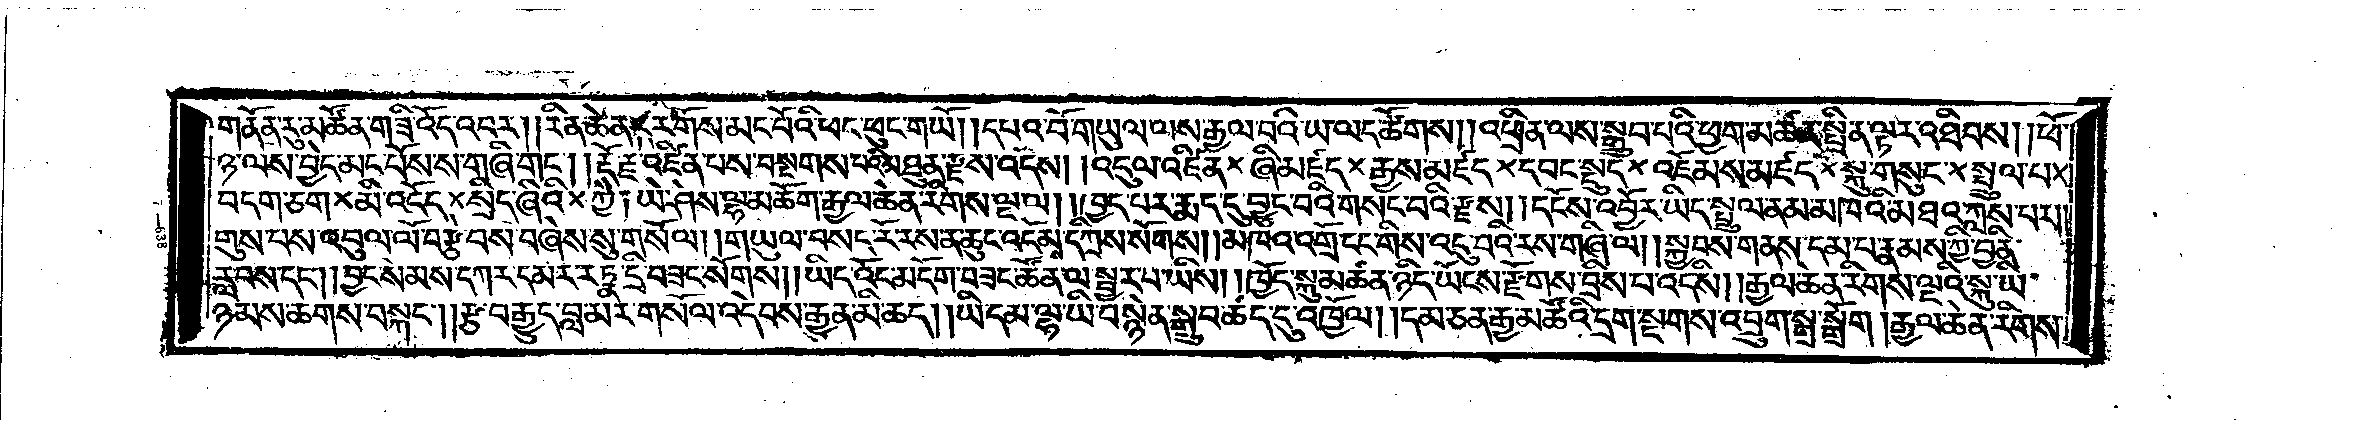གནོན་རུ་མཚོན་གཟི་འོད་འབར། །རིན་ཆེན་དར་གོས་མང་པོའི་ཕང་ཕུང་གཡོ། །དཔའ་བོ་གཡུལ་ལས་རྒྱལ་བའི་ཡ་ལད་ཚོགས། །འཕྲིན་ལས་སྒྲུབ་པའི་ཕྱག་མཚན་སྤྲིན་ལྟར་འཐིབས། །ཕོ་
ཉ་ལས་བྱེད་མང་པོས་ས་གཞི་གང་། །རྡོ་རྗེ་འཛིན་པས་བསྔགས་པའི་མཐུན་རྫས་འདིས། །འདུལ་འཛིན྾་ཞི་མཛད྾་རྒྱས་མཛད྾་དབང་སྡུད྾་འཇོམས་མཛད྾་སྐུ་གསུང྾་སྤྲུལ་པ྾་
བདག་ཅག྾་མི་འདོད྾་སྲིད་ཞིའི྾་ཀྱཻ༑ ཡེ་ཤེས་ལྷ་མཆོག་རྒྱལ་ཆེན་རིགས་ལྔ་ལ། །ཁྱད་པར་རྨད་དུ་བྱུང་བའི་གསང་བའི་རྫས། །དངོས་འབྱོར་ཡིད་སྤྲུལ་ནམ་མཁའི་མཐའ་ཀླས་པར།།
གུས་བས་འབུལ་ལོ་བརྩེ་བས་བཞེས་སུ་གསོལ། །གཡུལ་བསད་རོ་རས་ན་ཆུང་འདོམས་དཀྲིས་སོགས། །མཁའ་འགྲོ་ངང་གིས་འདུ་བའི་རས་གཞི་ལ། །སྐྱབས་གནས་དམ་པ་རྣམས་ཀྱི་བྱིན་
རླབས་དང་། །བྱང་སེམས་དཀར་དམར་རཏྣ་དྲི་བཟང་སོགས། །ཡིད་འོང་མདོག་བཟང་ཚོན་ལ་སྦྱར་བ་ཡིས། །ཁྱོད་སྐུ་མཚན་ཉིད་ཡོངས་རྫོགས་བྲིས་པ་འདིས། །རྒྱལ་ཆེན་རིགས་ལྔའི་སྐུ་ཡི་
ཉམས་ཆགས་བསྐང་། །རྩ་བརྒྱུད་བླ་མར་གསོལ་འདེབས་རྒྱུན་མི་ཆད། །ཡི་དམ་ལྷ་ཡི་བསྙེན་སྒྲུབ་ཚད་དུ་འཁྱོལ། །དམ་ཅན་རྒྱ་མཚོའི་དྲག་སྔགས་འབྲུག་སྒྲ་སྒྲོག །རྒྱལ་ཆེན་རིགས་